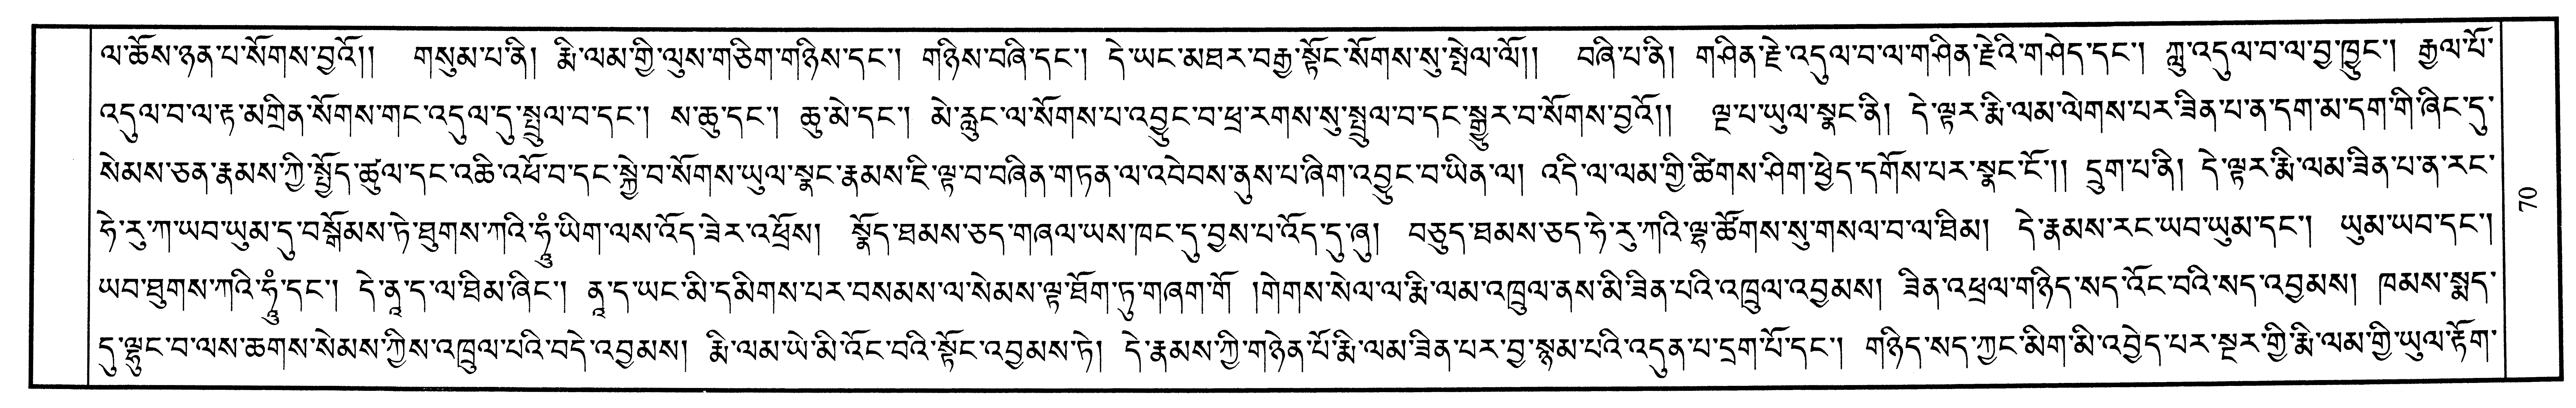ལ་ཆོས་ཉན་པ་སོགས་བྱའོ།། གསུམ་པ་ནི། རྨི་ལམ་གྱི་ལུས་གཅིག་གཉིས་དང་། གཉིས་བཞི་དང་། དེ་ཡང་མཐར་བརྒྱ་སྟོང་སོགས་སུ་སྤེལ་ལོ།། བཞི་པ་ནི། གཤིན་རྗེ་འདུལ་བ་ལ་གཤིན་རྗེའི་གཤེད་དང་། ཀླུ་འདུལ་བ་ལ་བྱ་ཁྱུང་། རྒྱལ་པོ་
འདུལ་བ་ལ་རྟ་མགྲིན་སོགས་གང་འདུལ་དུ་སྤྲུལ་བ་དང་། ས་ཆུ་དང་། ཆུ་མེ་དང་། མེ་རླུང་ལ་སོགས་པ་འབྱུང་བ་ཕྲ་རགས་སུ་སྤྲུལ་བ་དང་སྒྱུར་བ་སོགས་བྱའོ། ལྔ་པ་ཡུལ་སྣང་ནི། དེ་ལྟར་རྨི་ལམ་ལེགས་པར་ཟིན་པ་ན་དག་མ་དག་གི་ཞིང་དུ་
སེམས་ཅན་རྣམས་ཀྱི་སྤྱོད་ཚུལ་དང་འཆི་འཕོ་བ་དང་སྐྱེ་བ་སོགས་ཡུལ་སྣང་རྣམས་ཇི་ལྟ་བ་བཞིན་གཏན་ལ་འབེབས་ནུས་པ་ཞིག་འབྱུང་བ་ཡིན་ལ། འདི་ལ་ལམ་གྱི་ཚིགས་ཤིག་ཕྱེད་དགོས་པར་སྣང་ངོ།། དྲུག་པ་ནི། དེ་ལྟར་རྨི་ལམ་ཟིན་པ་ན་རང་
ཧེ་རུ་ཀ་ཡབ་ཡུམ་དུ་བསྒོམས་ཏེ་ཐུགས་ཀའི་ཧཱུཾ་ཡིག་ལས་འོད་ཟེར་འཕྲོས། སྣོད་ཐམས་ཅད་གཞལ་ཡས་ཁང་དུ་བྱས་པ་འོད་དུ་ཞུ། བཅུད་ཐམས་ཅད་ཧེ་རུ་ཀའི་ལྷ་ཚོགས་སུ་གསལ་བ་ལ་ཐིམ། དེ་རྣམས་རང་ཡབ་ཡུམ་དང་། ཡུམ་ཡབ་དང་།
ཡབ་ཐུགས་ཀའི་ཧཱུཾ་དང་། དེ་ནཱ་ད་ལ་ཐིམ་ཞིང་། ནཱ་ད་ཡང་མི་དམིགས་པར་བསམས་ལ་སེམས་ལྟ་ཐོག་ཏུ་གཞག་གོ །གེགས་སེལ་ལ་རྨི་ལམ་འཁྲུལ་ནས་མི་ཟིན་པའི་འཁྲུལ་འབྱམས། ཟིན་འཕྲལ་གཉིད་སད་འོང་བའི་སད་འབྱམས། ཁམས་སྨད་
དུ་ལྷུང་བ་ལས་ཆགས་སེམས་ཀྱིས་འཁྲུལ་བའི་བདེ་འབྱམས། རྨི་ལམ་ཡེ་མི་འོང་བའི་སྟོང་འབྱམས་ཏེ། དེ་རྣམས་ཀྱི་གཉེན་པོ་རྨི་ལམ་ཟིན་པར་བྱ་སྙམ་པའི་འདུན་པ་དྲག་པོ་དང་། གཉིད་སད་ཀྱང་མིག་མི་འབྱེད་པར་སྔར་གྱི་རྨི་ལམ་གྱི་ཡུལ་རྟོག་